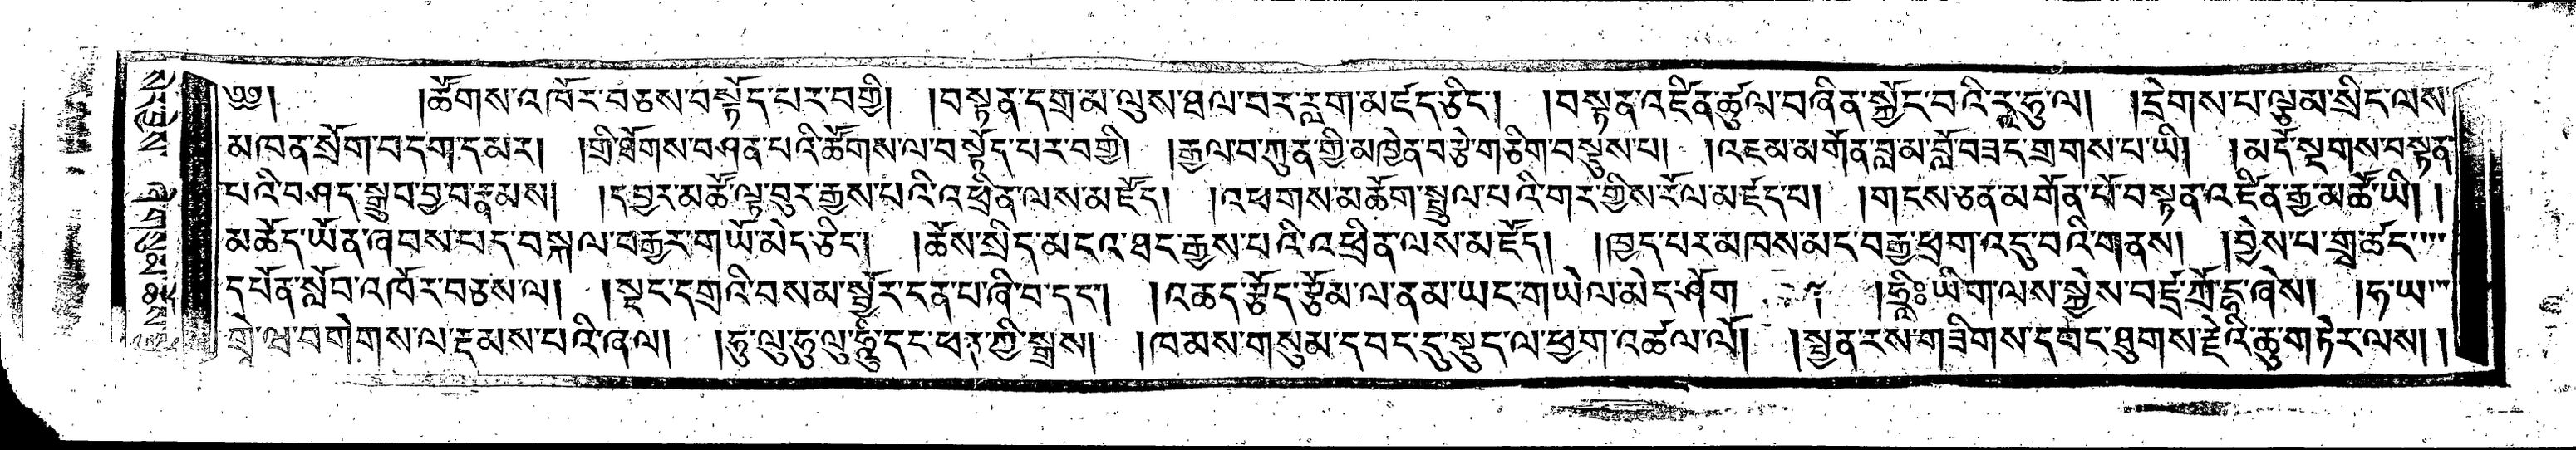༄༅། །ཚོགས་འཁོར་བཅས་བསྟོད་པར་བགྱི། །བསྟན་དགྲ་མ་ལུས་ཐལ་བར་རླག་མཛད་ཅིང་། །བསྟན་འཛིན་ཚུལ་བཞིན་སྐྱོང་བའི་རཱ་ཧུ་ལ། །དྲེགས་པ་ལྕམ་སྲིང་ལས་
མཁན་སྲོག་བདག་དམར། །གྲི་ཐོགས་བཤན་པའི་ཚོགས་ལ་བསྟོད་པར་བགྱི། །རྒྱལ་བ་ཀུན་གྱི་མཁྱེན་བརྩེ་གཅིག་བསྡུས་པ། །འཇམ་མགོན་བླ་མ་བློ་བཟང་གྲགས་པ་ཡི། །མདོ་སྔགས་བསྟན་
པའི་བཤད་སྒྲུབ་བྱ་བ་རྣམས། །དབྱར་མཚོ་ལྟ་བུར་རྒྱས་པའི་འཕྲིན་ལས་མཛོད། །འཕགས་མཆོག་སྤྲུལ་པའི་གར་གྱིས་རོལ་མཛད་པ། །གངས་ཅན་མགོན་པོ་བསྟན་འཛིན་རྒྱ་མཚོ་ཡི། །
མཆོད་ཡོན་ཞབས་པད་བསྐལ་བརྒྱར་གཡོ་མེད་ཅིང་། །ཆོས་སྲིད་མངའ་ཐང་རྒྱས་པའི་འཕྲིན་ལས་མཛོད། །ཁྱད་པར་མཁས་མང་བརྒྱ་ཕྲག་འདུ་བའི་གནས། །བྱེས་པ་གྲྭ་ཚང་
དཔོན་སློབ་འཁོར་བཅས་ལ། །སྡང་དགྲའི་བསམ་སྦྱོར་ངན་པ་ཞི་བ་དང་། །འཆད་རྩོད་རྩོམ་ལ་ནམ་ཡང་གཡེལ་མེད་ཤོག ༈ །ཧྲཱིཿ ཡིག་ལས་སྐྱེས་བྫྲ་ཀྲོ་དྷ་ཞེས། །ཧ་ཡ་
གརE་ཝ་བགེགས་ལ་རྡམས་པའི་ཞལ། །ཧུ་ལུ་ཧུ་ལུ་ཧཱུཾ་དང་ཕགས་ཀྱི་སྒྲས། །ཁམས་གསུམ་དབང་དུ་སྡུད་ལ་ཕྱག་འཚལ་ལོ། །སྤྱན་རས་གཟིགས་དབང་ཐུགས་རྗེའི་ཆུ་གཏེར་ལས། །